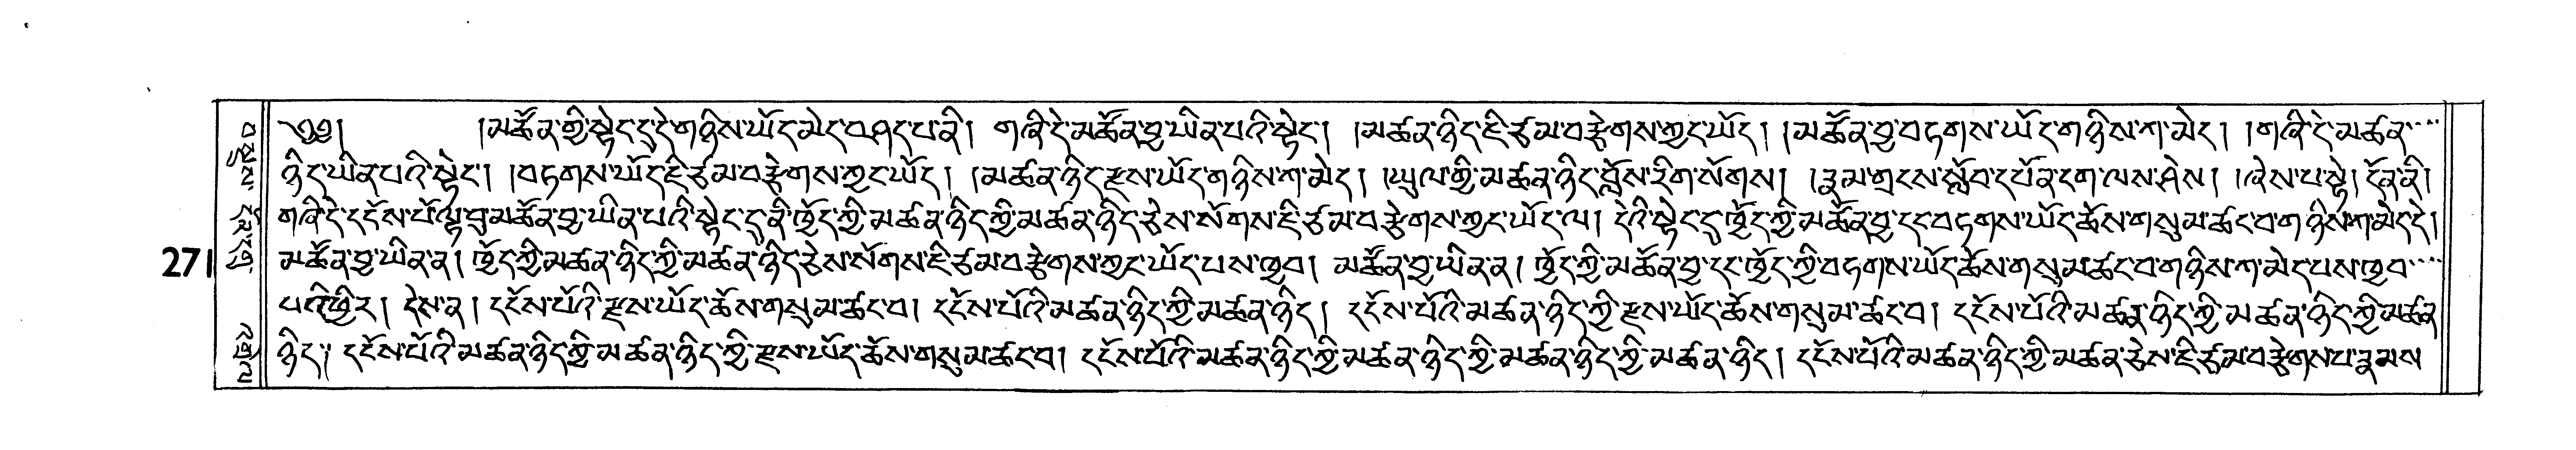༄༅། །མཚོན་གྱི་སྟེང་དུ་དེ་གཉིས་ཡོད་མེད་བཤད་པ་ནི། གཞི་དེ་མཚོན་བྱ་ཡིན་པའི་སྟེང་། །མཚན་ཉིད་ཇི་ཙམ་བརྩེགས་ཀྱང་ཡོད། །མཚོན་བྱ་བཏགས་ཡོད་གཉིས་ཀ་མེད། །གཞི་དེ་མཚན་
ཉིད་ཡིན་པའི་སྟེང་། །བཏགས་ཡོད་ཇི་ཙམ་བརྩེགས་ཀྱང་ཡོད། །མཚན་ཉིད་རྫས་ཡོད་གཉིས་ཀ་མེད། །ཡུལ་གྱི་མཚན་ཉིད་བློས་རིག་སོགས། །རྣམ་གྲངས་སློབ་དཔོན་ངག་ལས་ཤེས། །ཞེས་པ་སྟེ། དོན་ནི།
གཞི་དེ་དངོས་པོ་ལྟ་བུ་མཚོན་བྱ་ཡིན་པའི་སྟེང་དུ་ནི་ཁྱོད་ཀྱི་མཚན་ཉིད་ཀྱི་མཚན་ཉིད་ཅེས་སོགས་ཇི་ཙམ་བརྩེགས་ཀྱང་ཡོད་ལ། དེའི་སྟེང་དུ་ཁྱོད་ཀྱི་མཚོན་བྱ་དང་བཏགས་ཡོད་ཆོས་གསུམ་ཚང་བ་གཉིས་ཀ་མེད་དེ།
མཚོན་བྱ་ཡིན་ན། ཁྱོད་ཀྱི་མཚན་ཉིད་ཀྱི་མཚན་ཉིད་ཅེས་སོགས་ཇི་ཙམ་བརྩེགས་ཀྱང་ཡོད་པས་ཁྱབ། མཚོན་བྱ་ཡིན་ན། ཁྱོད་ཀྱི་མཚོན་བྱ་དང་ཁྱོད་ཀྱི་བཏགས་ཡོད་ཆོས་གསུམ་ཚང་བ་གཉིས་ཀ་མེད་པས་ཁྱབ་
པའི་ཕྱིར། དེས་ན། དངོས་པོའི་རྫས་ཡོད་ཆོས་གསུམ་ཚང་བ། དངོས་པོའི་མཚན་ཉིད་ཀྱི་མཚན་ཉིད། དངོས་པོའི་མཚན་ཉིད་ཀྱི་རྫས་ཡོད་ཆོས་གསུམ་ཚང་བ། དངོས་པོའི་མཚན་ཉིད་ཀྱི་མཚན་ཉིད་ཀྱི་མཚན་
ཉིད༑ དངོས་པོའི་མཚན་ཉིད་ཀྱི་མཚན་ཉིད་ཀྱི་རྫས་ཡོད་ཆོས་གསུམ་ཚང་བ། དངོས་པོའི་མཚན་ཉིད་ཀྱི་མཚན་ཉིད་ཀྱི་མཚན་ཉིད་ཀྱི་མཚན་ཉིད། དངོས་པོའི་མཚན་ཉིད་ཀྱི་མཚན་ཅེས་ཇི་ཙམ་བརྩེགས་པ་རྣམས་